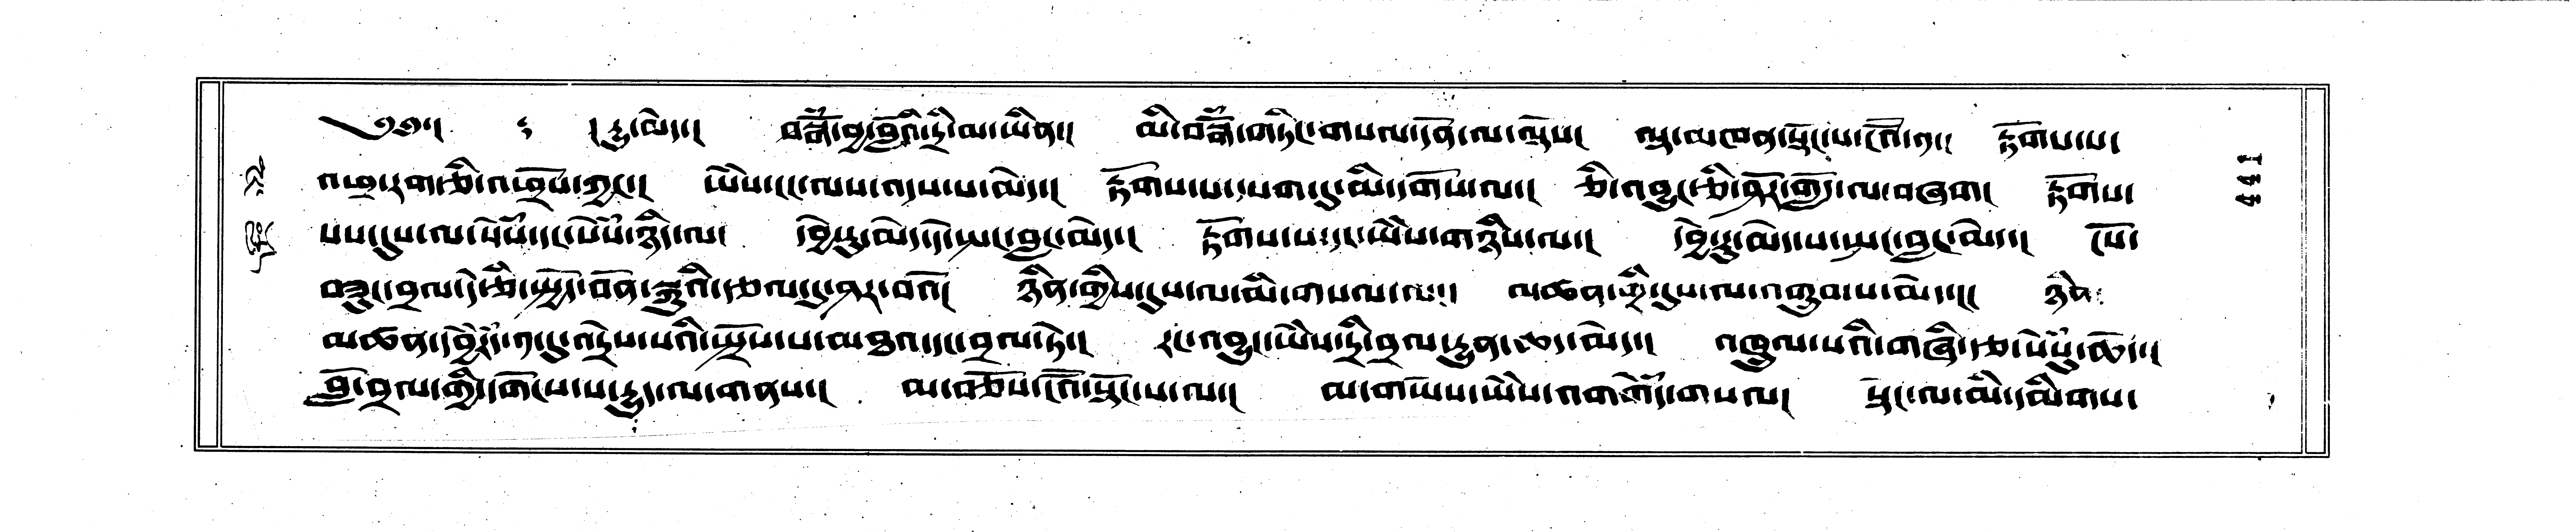དེ་སྒོམ་རྒྱུ་མེད། སྒོམ་བྱ་སྒོམ་བློའི་དྲི་མ་ཡིན། མི་སྒོམ་གཏིང་གསལ་དོན་ལ་ལྟོས། བལྟའ་མཁན་སྟོང་པ་ངོའོ་ཅིག རྟོག་པ་
ཕྲ་རག་ཅི་འཕྲོས་ཀྱང་། ཡེ་ཤེས་ངང་ལས་འདས་པ་མེད། རྟོག་པ་བཀག་རྒྱུ་མི་དགོས་ལ། ཅི་བྱུང་ཅི་ཤར་ཀློད་ལ་ཞོག རྟོགས་
པའི་དུས་ལ་སེམས་དང་སེམས་ཉིད་དབྱེ་རུ་མེད་དེ་སྤང་བླང་མེད། རྟོག་པ་ཡེ་ཤེས་གཉིས་ལ་དབྱེ་རུ་མེད་དེ་སྤང་བླང་མེད། ངོས་
བཟུང་བྲལ་ཏེ་ཅི་སྤྱོད་དེ་བོན་སྐུའི་རྩལ་དུ་ཤར་བའོ། ཉིན་གྱིས་དུས་ལ་གསལ་ལ་མཚན་གྱིས་དུས་ལ་བསྒྲིབ་པ་མེད། ཉིན་
མཚན་དབྱེར་མེད་ཅིག་དུ་འདྲེས། སྤྲོས་པའི་མཐའ་དང་བྲལ་ཏེ་རང་འབྱུང་ཡེ་ཤེས་དྲི་བྲལ་རྒྱུན་ཆད་མེད། འཁྲུལ་པའི་གཞི་རྩ་སེམས་སུ་ཆོད། 
བློ་བྲལ་གྱིས་དགོངས་པ་རྒྱུན་དུ་གནས། མ་བཅོས་ངོའོ་སྟོང་པ་ལ། མ་གཡོས་ཡེ་ཤེས་འཛིན་མེད་གསལ། སྟོང་ལ་མི་དམིགས་